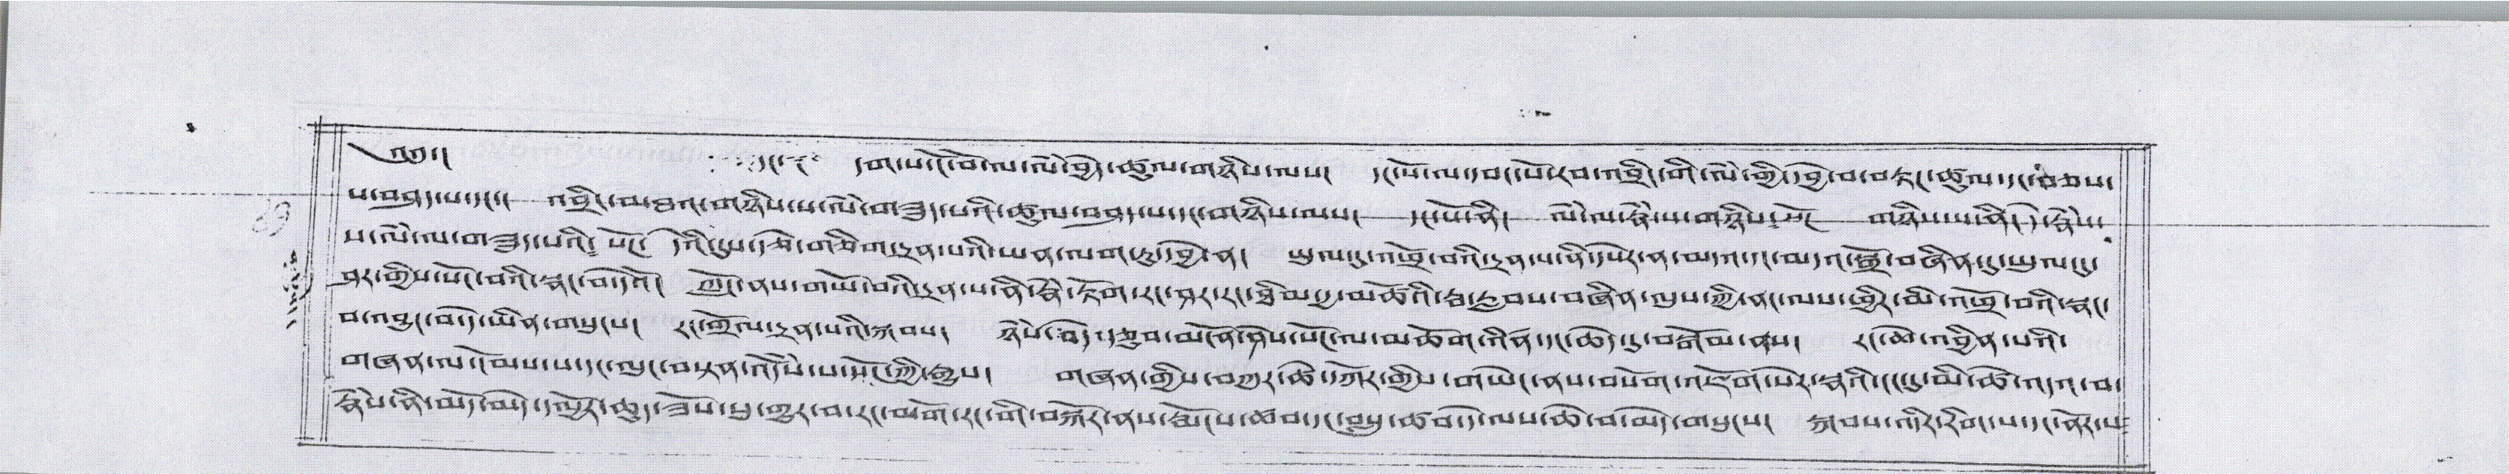དང་། དག་པ་ངོ་བོ་ལ་ལམ་བྱེད་ཚུལ་གཉིས་ལས། དང་པོ་ལ་དབང་པོ་རབ་འབྲིང་གི་ལམ་གྱི་དབྱེ་བ་བརྟགས་ཚུལ་དང་བཅས་
པ་བཤད་པ་དང་། འབྲིང་མཐའ་གཉིོས་ས་ལམ་གཟུད་པའི་ཚུལ་དུ་བཤད་པ་དང་གཉིས་ལས། དང་པོ་ནི། ལམ་ལ་རྣམ་པ་གཉིོས་སོགས། གཉིས་པ་ནི། དེ་རྣམས་
ས་ལམ་ལ་གཟུད་པའི་སོགས། དེའི་དུས་རྩེ་གཅིག་དྲན་པའི་ཡན་ལག་ལ་དབྱེ་ན། ཡུལ་དུ་འཕྲོ་བའི་དྲན་པ་ནི་དཔེར་ན་མདའ་དང་མདའ་སྒྲོ་བཞིན་དུ་ཡུལ་དུ་
ཤར་གྱིས་སོང་བའི་སྣང་བ་དེའོ། ཀློང་ནས་གཡོ་བའི་དྲན་པ་ནི་རྣམ་རྟོག་རང་ཤར་རང་ཐིམ་རྒྱ་མཚོའི་རྦ་རླབས་བཞིན་ལུས་ཀྱི་ནང་ལས་ཕྱིར་མི་འཕྲོ་བའི་སྣང་
བ་འབྱུང་བ་དེ་ཡིན་གསུངས། རང་གྲོལ་དྲན་པའི་སྐབས། ཉམས་བདེ་རྩུབ་མངོན་ཤེས་སོགས་ལ་མཆོག་འཛིན་དང་ཆེད་དུ་བསྒོམས་ནས། རང་ཆེ་འབྱིན་པའི་
གཞན་ལ་ངོམས་པ་དང་ལུང་བསྟན་འདོམས་པ་སོགས་ཀྱི་རྒྱུས། གཞན་གྱིས་བཀུར་ཚེ་དཀོར་གྱིས་གཡེང་ནས་གསོག་འཇོག་སེར་སྣའི་ངང་དུ་མི་ཚེ་འདའ་བ་
རྣམས་ནི་མདོ་མེད་དལ་འབྱོིར་ཆུད་ཟོས་སུ་གྱུར་པ་རང་མགོ་རང་གིས་བསྐོར་ནས་རྨོངས་ཚབ་དང་བསླུ་ཚབ་དེ་ལས་ཆེ་བ་མེད་གསུངས། སྐབས་འདིར་རིག་པ་དང་ནོར་བ་